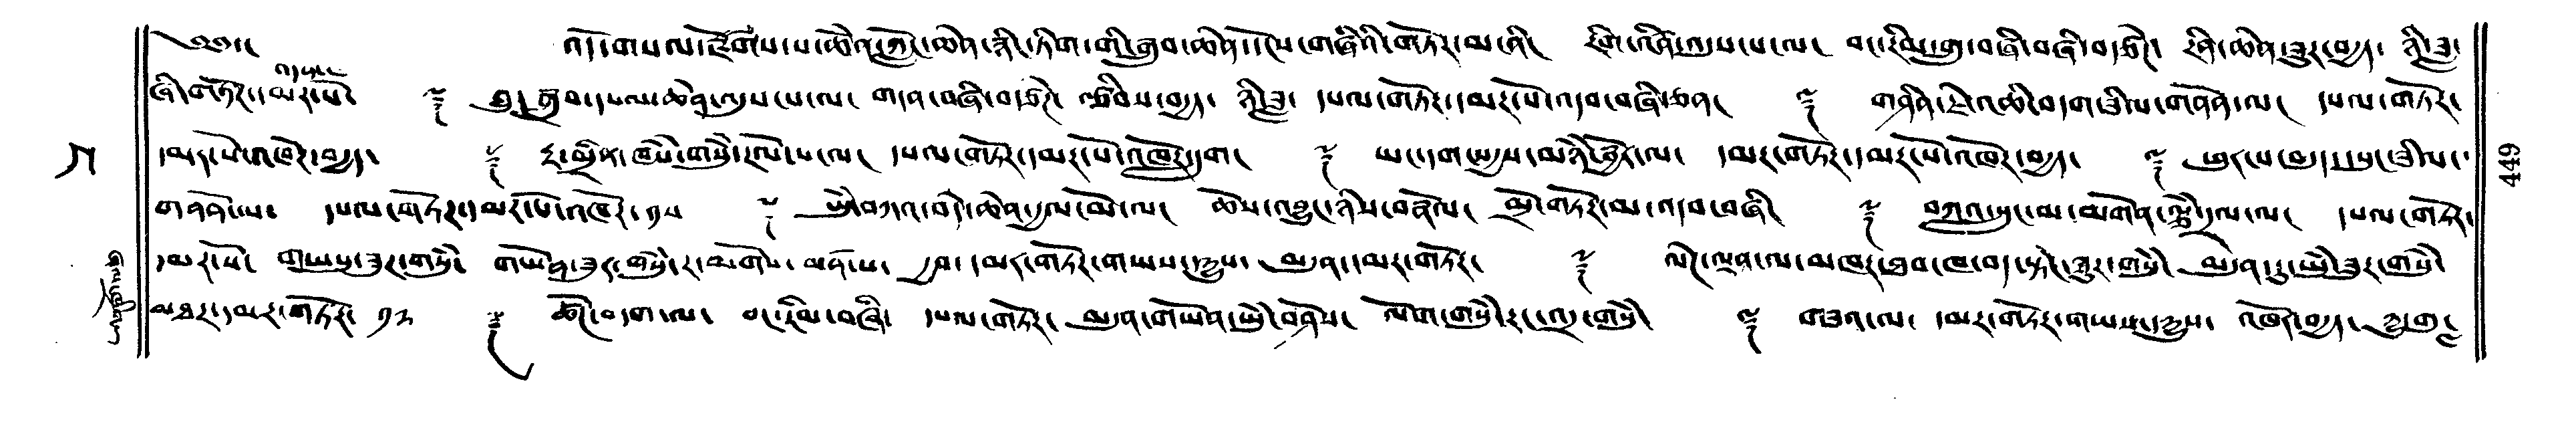༄༅། འོད་གསལ་རྫོགས་པ་ཆེན་པོ་ཀློང་ཆེན་སྙིང་ཏིག་གི་སྒྲུབ་ཆེན་དངོས་གཞིའི་གཏོར་མ་ནི། རིག་འཛིན་འདུས་པ་ལ། བང་རིམ་གྲུ་བཞི་བཞི་བརྩེགས། རིན་ཆེན་ཟུར་བརྒྱད། ཉི་ཟླ། 
ཞི་གཏོར་དམར་པོ། ༈ ཐུགས་སྒྲུབ་དཔལ་ཆེན་འདུས་པ་ལ། གདན་བཞི་བརྩེགས། རྩིབས་བརྒྱད། ཉི་ཟླ། དཔལ་གཏོར་དམར་པོ་འདབ་བཞི་ཅན། ༈ གཤིན་རྗེ་འཆི་བདག་ཟིལ་གནོན་ལ། དཔལ་གཏོར་
དམར་པོ་འཁོར་བརྒྱད། ༈ རྟ་མགྲིན་ཁམས་གསུམ་རོལ་པ་ལ། དཔལ་གཏོར་དམར་པོ་འཁོར་དྲུག ༈ ཡང་དག་སངས་རྒྱས་མཉམ་སྦྱོར་ལ། དམར་གཏོར་དམར་པོ་འཁོར་བརྒྱད། ༈ ཕུར་པ་བདུད་འདུལ་ཟིལ་
གནོན་ལ། དཔལ་གཏོར་དམར་པོ་འཁོར་བཅུ་བཞི། ༈ ཡུམ་བཀའ་བདེ་ཆེན་རྒྱལ་མོ་ལ། ཆོས་འབྱུང་ཉིས་བསྣོལ། མཁའ་འགྲོའི་གཏོར་མ་འདབ་བཞི། ༈ བཀའ་སྲུང་མ་མགོན་ལྕམ་དྲལ་ལ། དཔལ་གཏོར་
དམར་པོ། གཡས་སུ་ཟུར་གསུམ། གཡོན་དུ་ཟུར་གསུམ་ར་མགོས་མཚན་པ། རྒྱབ་དམར་གཏོར་གཡས་གཅུས། མདུན་དུ་དམར་གཏོར། ༈ ལེགས་ལྡན་ལ་མཁར་ཐབས་ཁ་བད་སྟེང་ཟུར་གསུམ། མདུན་དུ་ཡུམ་ཟུར་གསུམ། 
མཐར་དམར་གཏོར་བཅུ་གཉིས། ༈ ཚོགས་བདག་ལ། བང་རིམ་བཞི། དཔལ་གཏོར། མདུན་གཡོན་ཡུམ་བཤོས། ལོགས་གསུམ་རང་འདྲ་གསུམ། ༈ གཟའ་ལ། དམར་གཏོར་གཡས་གཅུས། འཁོར་བརྒྱད། ཀྱུ་གུ་བཞི།